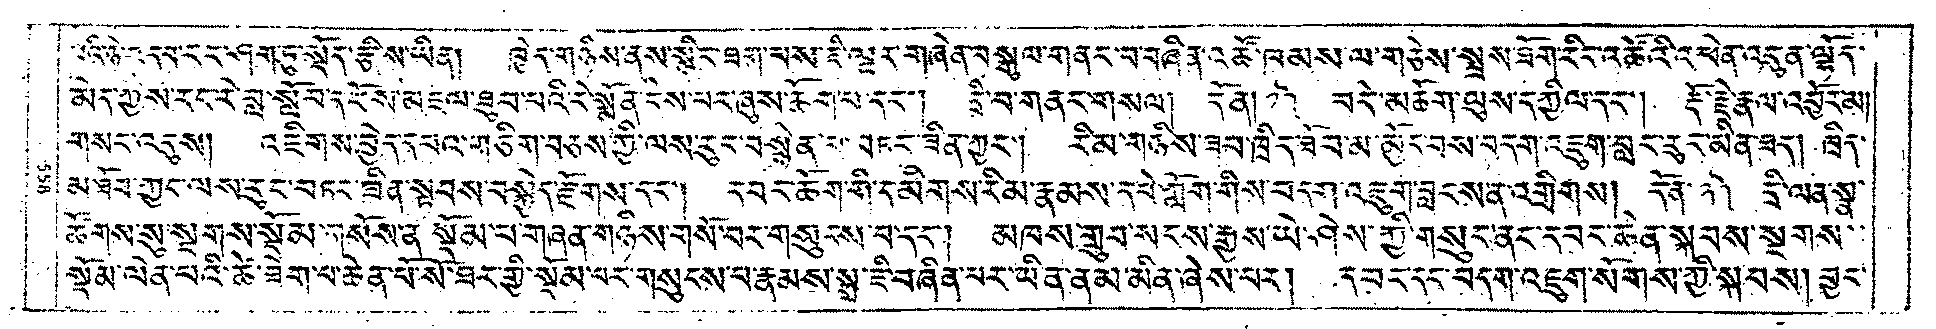པའི་ཉེ་འདབ་རང་ཤག་ཏུ་སྡོད་རྩིས་ཡིན། ཁྱེད་གཉིས་ནས་སྙིང་ཐག་པས་ཇི་ལྟར་གཞེན་བསྐུལ་གནང་བ་བཞིན་འཚོ་ཁམས་ལ་གཅེས་སྤྲས་ཐོག་རིང་འཚོའི་འཕེན་འདུན་ལྷོད་
མེད་ཀྱིས་རང་རེ་བླ་སློབ་དངོས་མཇལ་ཐུབ་པའི་རེ་སྨོན་ངེས་པར་ཞུས་ཆོག་པ་དང་། དྲི་བ་གནང་གསལ། དོན། ༡་བདེ་མཆོག་ལུས་དཀྱིལ་དང་། རྡོ་རྗེ་རྣལ་འབྱོར་མ།
གསང་འདུས། འཇིགས་བྱེད་དཔའ་གཅིག་བཅས་ཀྱི་ལས་རུང་བསྙེན་པ་བཏང་ཟིན་ཀྱང་། རིམ་གཉིས་ཟབ་ཁྲིད་ཐོབ་མ་མྱོང་བས་བདག་འཇུག་བླང་རུང་མིན་ཐད། ཁྲིད་
མ་ཐོབ་ཀྱང་ལས་རུང་བཏང་ཟིན་སྟབས་བསྐྱེད་རྫོགས་དང་། དབང་ཆོག་གི་དམིགས་རིམ་རྣམས་དཔེ་ཀློག་གིས་བདག་འཇུག་བླངས་ན་འགྲིགས། དོན ༢་དྲི་ལན་སྣ་
ཚོགས་སུ་སྔགས་སྡོམ་གསོས་ན་སྡོམ་པ་གཞན་གཉིས་གསོ་བར་གསུངས་པ་དང་། མཁས་གྲུབ་སངས་རྒྱས་ཡེ་ཤེས་ཀྱི་གསུང་ནང་དབང་ཆེན་སྐབས་སྔགས་
སྡོམ་ལེན་པའི་ཚེ་ཐེག་པ་ཆེན་པོ་སོ་ཐར་གྱི་སྡོམ་པར་གསུངས་པ་རྣམས་སྒྲ་ཇི་བཞིན་པར་ཡིན་ནམ་མིན་ཞེས་པར། དབང་དང་བདག་འཇུག་སོགས་ཀྱི་སྐབས། བྱང་